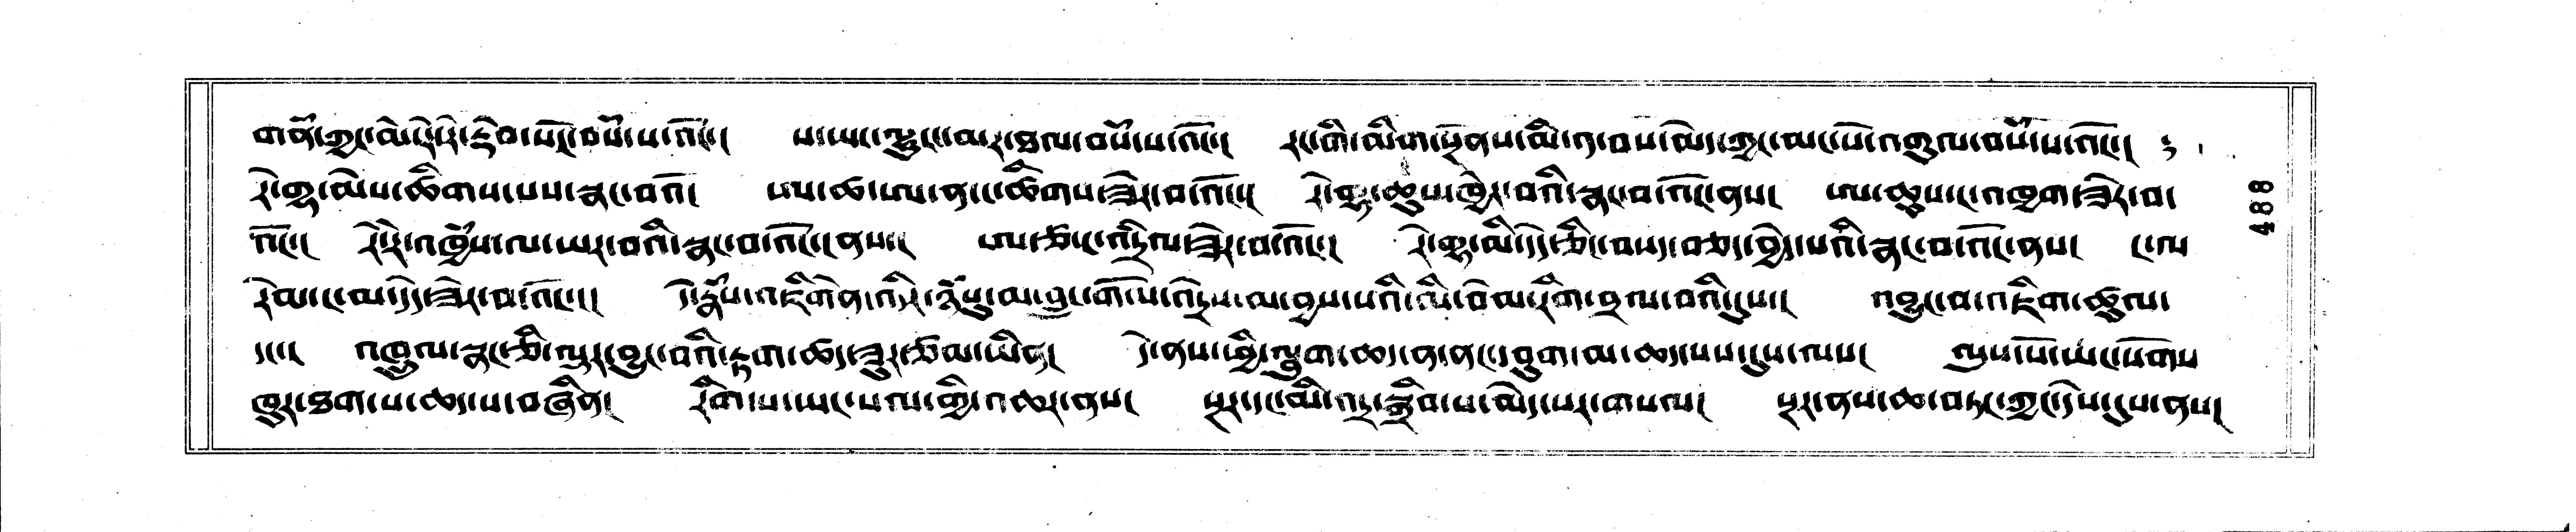གནམ་ཀྱང་མེར་མེར་རྡིབ་བརྡོ་བསམ་པ་འོང་། ས་ཡང་ལྷུང་ལྷུང་མར་ཐལ་བསམ་པ་འོང་། རང་གིས་མིག་སྔུན་ནས་མི་ཅིག་བེས་མེད་ཀྱང་མང་པོ་འགུལ་བསམ་པ་འོང་།
 རེས་གྷས་(འགས)་མེས་ཚིགས་པའི་སྣང་བ་འོང་ནས། ཨ་ཚ་ཨ་ཙེ་ང་ཚིགས་ཟེར་བ་འོང་། རེས་གྷས་(འགས)་ཆུས་ཁྱེར་བའི་སྣང་བ་འོང་ནས། ཨ་ཆུ་ང་འཁྱག་ཟེར་བ་
འོང་། རེས་གྷས་འཁྱམས་ལ་ཡར་བའི་སྣང་བ་འོང་ནས། ཨ་རྩེ་༼ཙ༽ང་འདྲིལ་ཟེར་བ་འོང་། རེས་གྷ་(འགས)མི་དད་‘‘མིས་དད”ཅིང་བསད་བཅད་བྱེད་པའི་སྣང་བ་འོང་། ང་ལ་
རེམ་ང་མ་དེད་ཟེར་བའི་སྣང་བ་འོང་། དེ་རྣམས་འཇིག་རྟེན་འདིར་ཉམས་སུ་གོམ་འདྲིས་མ་བྱས་པའི་མི་བེམ་རིག་བྲལ་བའི་དུས། འབྱུང་བཞི་འཇིག་ཚུལ་
དང་། འཁྲུལ་སྣང་ཅི་ལྟར་འོང་བའི་རྟགས་ཚད་ཟུར་ཙམ་ཡིན་ནོ། དེ་ནས་ཕྱི་དབུག་ཆད། ནང་དབུག་མ་ཆད་པའི་དུས་ལ། ལུས་པོ་ཡང་སོགས་༼སོག༽
ཁུར་ཐག་པ་ཆད་པ་བཞིན། རིག་པ་ཡང་སལ་གྱིས་འཆར་ནས། སྔར་དང་མི་འདྲ་སྒྲིབ་པ་མེད་པར་གསལ། སྔར་ནས་ན་ཚས་གདུངས་ཀྱང་། དེ་དུས་ན་